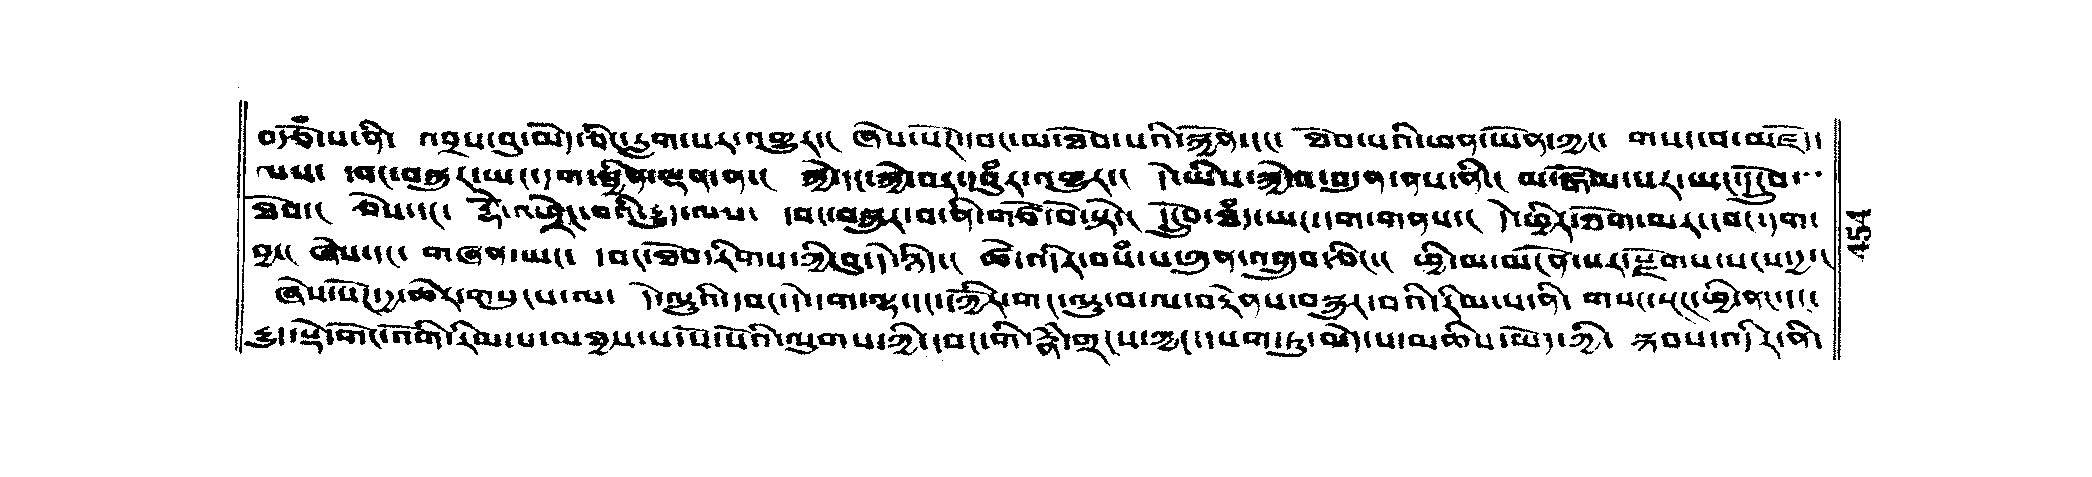བརྩོན་པ་ནི། །འབྲས་བུ་མེད་ཅིང་རླག་པར་འགྱུར། །ཞེས་སོགས་དབང་མ་ཐོབ་པའི་སྐྱོན་དང་། ཐོབ་པའི་ཕན་ཡོན་ཀྱང་། གསང་བ་མཛོད་
ལས། དབང་བསྐུར་ཡང་དག་སྦྱིན་ལྡན་ན། །སྐྱེ་དང་སྐྱེ་བར་དབང་བསྐུར་འགྱུར། །དེ་ཡིས་སྐྱེ་བ་བདུན་ནས་ནི། །མ་སྒོམ་པར་ཡང་དགོས་གྲུབ་
ཐོབ། །ཅེས་དང་། རྡོ་རྗེ་འཕྲེང་བའི་རྒྱུད་ལས། དབང་བསྐུར་བ་ནི་གཙོ་བོ་སྟེ། །དངོས་གྲུབ་ཐམས་ཅད་ཡང་དག་གནས། །དེ་ཕྱིར་ཐོག་མར་དབང་དག་
བྱ། །ཞེས་དང་། གཞན་ཡང་། དབང་ཐོབ་རིགས་ཀྱི་བུ་དེ་ཉིད། །ཚེ་འདིར་བསམ་པ་ཀུན་འགྲུབ་ཅིང་། །ཕྱི་མ་མངོན་པར་རྫོགས་སངས་རྒྱ། །
ཞེས་སོགས་རྒྱ་ཆེར་གསུངས་ལ། དེ་ལྟ་བུའི་དབང་དེ་དག་ལྷ་དང་དཀྱིལ་འཁོར་གང་ལྟ་བུ་བ་ལ་བརྟེན་ནས་བསྐུར་བའི་རིམ་པ་ནི། གསང་སྔགས་ཕྱི་ནང་དང་
རྒྱུད་སྡེ་གོང་འོག་གི་རིམ་པ་མཐའ་ཡས་པ་སོ་སོའི་ལུགས་ཀྱི་དབང་གི་རྣམ་གྲངས་ཀྱང་དཔག་ཏུ་མེད་པ་མཆིས་མོད་ཀྱི། སྐབས་འདིར་ནི་